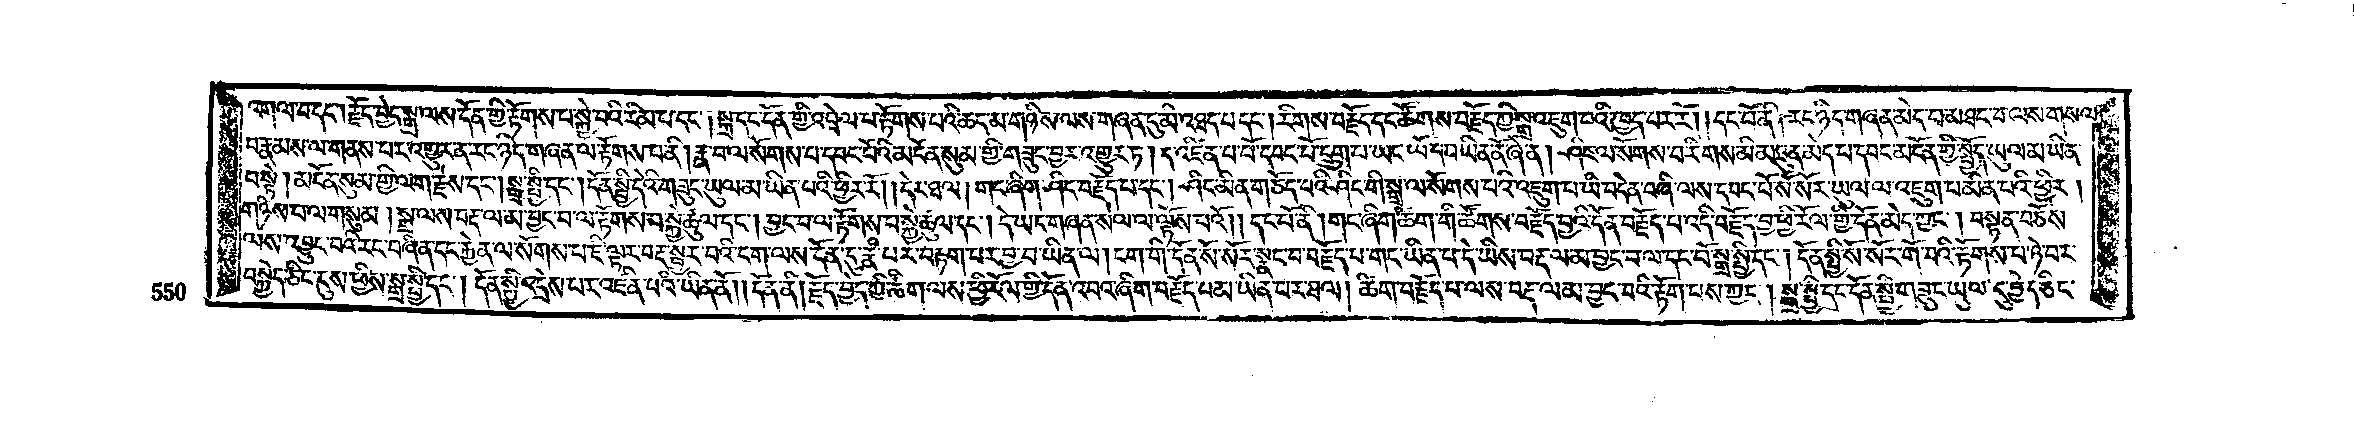འགལ་བ་དང་། རྗོད་བྱེད་སྒྲ་ལས་དོན་གྱི་རྟོགས་པ་སྐྱེ་བའི་རིམ་པ་དང་། སྒྲ་དང་དོན་གྱི་འབྲེལ་པ་རྟོགས་པའི་ཚད་མ་གཉིས་ལས་གཞན་དུ་མི་འཐད་པ་དང་། རིགས་བརྗོད་དང་ཚོགས་བརྗོད་ཀྱི་སྒྲ་འཇུག་པའི་ཁྱད་པར་རོ། །དང་པོ་ནི། རང་ཉིད་གཞན་མེད་པ་མཐར་བ་ལས་གསལ་
བ་རྣམས་ལ་གནས་པར་འགྱུར་ན་རང་ཉིད་གཞན་ལ་རྟོགས་པ་ནི། རྣ་བ་ལ་སོགས་པ་དབང་པོའི་མངོན་སུམ་གྱི་གཟུང་བྱར་འགྱུར་ཏེ། ང་འཛིན་པ་པོ་དབང་པོ་དྲུག་པ་ཡང་ཡོད་པ་ཡིན་ནོ་ཞེ་ན། ཤིང་ལ་སོགས་པ་རིགས་མི་མཐུན་མེད་པ་དབང་མངོན་གྱི་སྤྱོད་ཡུལ་མ་ཡིན་
པ་སྟེ། མངོན་སུམ་གྱི་ལག་རྗེས་དང་། སྒྲ་སྤྱི་དང་། དོན་སྤྱི་དེའི་གཟུང་ཡུལ་མ་ཡིན་པའི་ཕྱིར་རོ། །དེར་ཐལ། གང་ཞིག་ཤིང་བརྗོད་པ་དང་། ཤིང་མིན་གཅོད་པའི་ཤིང་གི་སྒྲ་ལ་སོགས་པའི་འཇུག་པ་ཡི་བདེན་བཞི་ལས་དབང་པོ་སོ་སོར་ཡུལ་ལ་འཇུག་པ་མིན་པའི་ཕྱིར།
གཉིས་པ་ལ་གསུམ། སྒྲ་ལས་བརྡ་ལ་མ་བྱང་བ་ལ་རྟོགས་པ་སྐྱེ་ཚུལ་དང་། བྱང་བ་ལ་རྟོགས་པ་སྐྱེ་ཚུལ་དང་། དེ་ཡང་གཞན་སེལ་ལ་ལྟོས་པའོ། །དང་པོ་ནི། གང་ཞིག་ཚིག་གི་ཚོགས་བརྗོད་བྱའི་དོན་བརྗོད་པ་འདི་བརྗོད་བྱ་ཕྱི་རོལ་གྱི་དོན་མེད་ཀྱང་བསྟན་བཅོས་
ལས་འབྱུང་བའི་རང་བཞིན་དང་རྐྱེན་ལ་སོགས་པ་ཇི་ལྟར་བརྡ་སྦྱར་བའི་ངག་ལས་དོན་དུ་རྣམ་པར་བརྟག་པར་བྱ་བ་ཡིན་ལ། ངག་གི་དོན་སོ་སོར་སྣང་བ་བརྗོད་པ་གང་ཡིན་པ་དེ་ཡིས་བརྡ་ལ་མ་བྱང་བ་ལ་དང་པོ་སྒྲ་སྤྱི་སོ་སོར་གོ་བའི་རྟོགས་པ་ཉེ་བར་
བསྐྱེད་ཅིང་དུས་ཕྱིས་སྒྲ་སྤྱི་དང་། དོན་སྤྱི་འདྲེས་པར་འཛིན་པའི་ཡིན་ནོ། །དོན་ནི། རྗོད་བྱེད་ཀྱི་ཚིག་ལས་ཕྱི་རོལ་གྱི་དོན་འབའ་ཞིག་བརྗོད་པ་མ་ཡིན་པར་ཐལ། ཚིག་བརྗོད་པ་ལས་བརྡ་ལ་མ་བྱང་བའི་རྟོག་པས་ཀྱང་། སྒྲ་སྤྱི་དང་དོན་སྤྱི་གཟུང་ཡུལ་དུ་བྱེད་ཅིང་